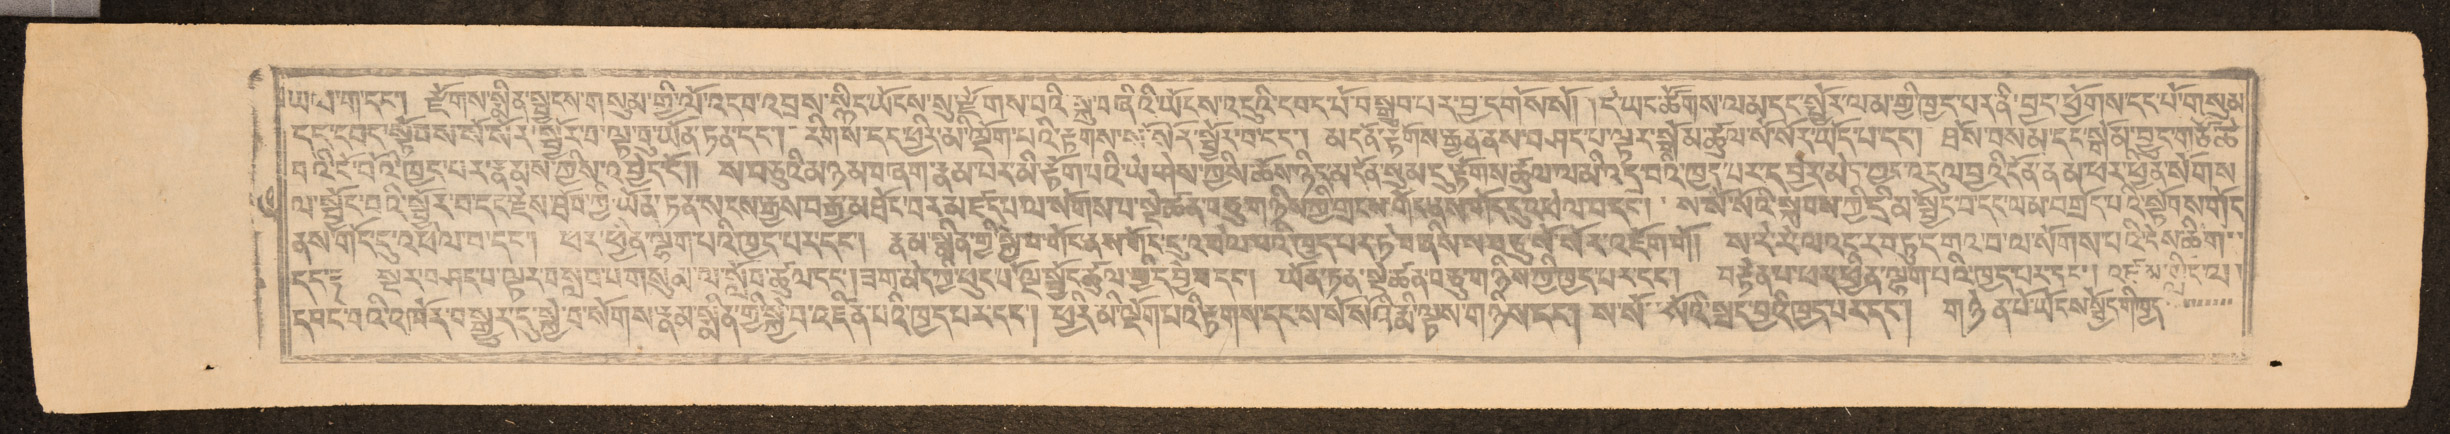ཡལ་ག་དང་། རྫོགས་སྨིན་སྦྱངས་གསུམ་གྱི་ལོ་འདབ་འབྲས་སྙིང་ཡོངས་སུ་རྫོགས་པའི་སྐུ་བཞིའི་ཡོངས་འདུའི་དབང་པོ་བསྒྲུབ་པར་བྱ་དགོས་སོ། །དེ་ཡང་ཚོགས་ལམ་དང་སྤྱོར་ལམ་གྱི་ཁྱད་པར་ནི་བྱང་ཕྱོགས་དང་པོ་གསུམ་
དང་དབང་སྟོབས་སོ་སོར་སྦྱོར་བ་ལྟ་བུ་ཡོན་ཏན་དང་། རིགས་དང་ཕྱིར་མི་ལྡོག་པའི་རྟགས་སོ་སོར་སྦྱོར་བ་དང་། མངོན་རྟོགས་རྒྱན་ནས་བཤད་པ་ལྟར་སྒོམ་ཚུལ་སོ་སོར་ཡོད་པ་དང་། ཐོས་བསམ་དང་སྒོམ་བྱུང་གཙོ་ཆེ་
བའི་ངོ་བོའི་ཁྱད་པར་རྣམས་ཀྱིས་འབྱེད་དོ།། ས་བཅུའི་མཉམ་བཞག་རྣམ་པར་མི་རྟོག་པའི་ཡེ་ཤེས་ཀྱིས་ཆོས་ཉིད་མངོན་སུམ་དུ་རྟོགས་ཚུལ་ལ་མི་འདྲ་བའི་ཁྱད་པར་དབྱེར་མེད་ཀྱང་འདུལ་བྱའི་དོན་ནམ་ཕར་ཕྱིན་སོགས་
པ་སྦྱོང་བའི་སྦྱོར་བ་དང་རྗེས་ཐོབ་ཀྱི་ཡོན་ཏན་སངས་རྒྱས་བརྒྱ་མཐོང་བར་མཛད་པ་ལ་སོགས་པ་སྡེ་ཚན་བཅུ་གཉིས་ཀྱི་གྲངས་གོང་ནས་གོང་དུ་འཕེལ་བ་དང་། ས་སོའི་སྐབས་ཀྱི་དྲི་མ་སྦྱོང་བ་དང་ལམ་བགྲོད་པའི་སྟོབས་གོང་
ནས་གོང་དུ་འཕེལ་བ་དང་། ཕར་ཕྱིན་ལྷག་པའི་ཁྱད་པར་དང་། རྣམ་སྨིན་གྱི་སྐྱེ་བ་གོང་ནས་གོང་དུ་འཕེལ་པའི་ཁྱད་པར་ཏེ་བཞིས་ས་བཅུ་སོ་སོར་འཇོག་གོ། ས་རེ་རེ་ལའང་རབ་ཏུ་དགའ་བ་ལ་སོགས་པའི་དེས་ཚིག་
དང༑ སྔར་བཤད་པ་ལྟར་བསླབ་པ་གསུམ་ལ་སློབ་ཚུལ་དང་། ཟག་མེད་ཀྱི་ཕུང་པོ་ལྔ་སྦྱོང་ཚུལ་གྱི་དབྱེ་བ་དང་། ཡོན་ཏན་སྡེ་ཚན་བཅུ་གཉིས་ཀྱི་ཁྱད་པར་དང་། བརྟེན་པ་ཕར་ཕྱིན་ལྷག་པའི་ཁྱད་པར་དང་། འཛམ་གླིང་ལ་
དབང་བའི་འཁོར་བསྒྱུར་དུ་སྐྱེ་བ་སོགས་རྣམ་སྨིན་གྱི་སྐྱེ་བ་འཛིན་པའི་ཁྱད་པར་དང་། ཕྱིར་མི་ལྡོག་པའི་རྟགས་དང་ས་སོ་སོའི་རྨི་ལྟས་གཉིས་དང་། ས་སོ་སོའི་སྤང་བྱའི་ཁྱད་པར་དང་། གཉེན་པོ་ཡོངས་སྤྱོད་གི་ཁྱད་